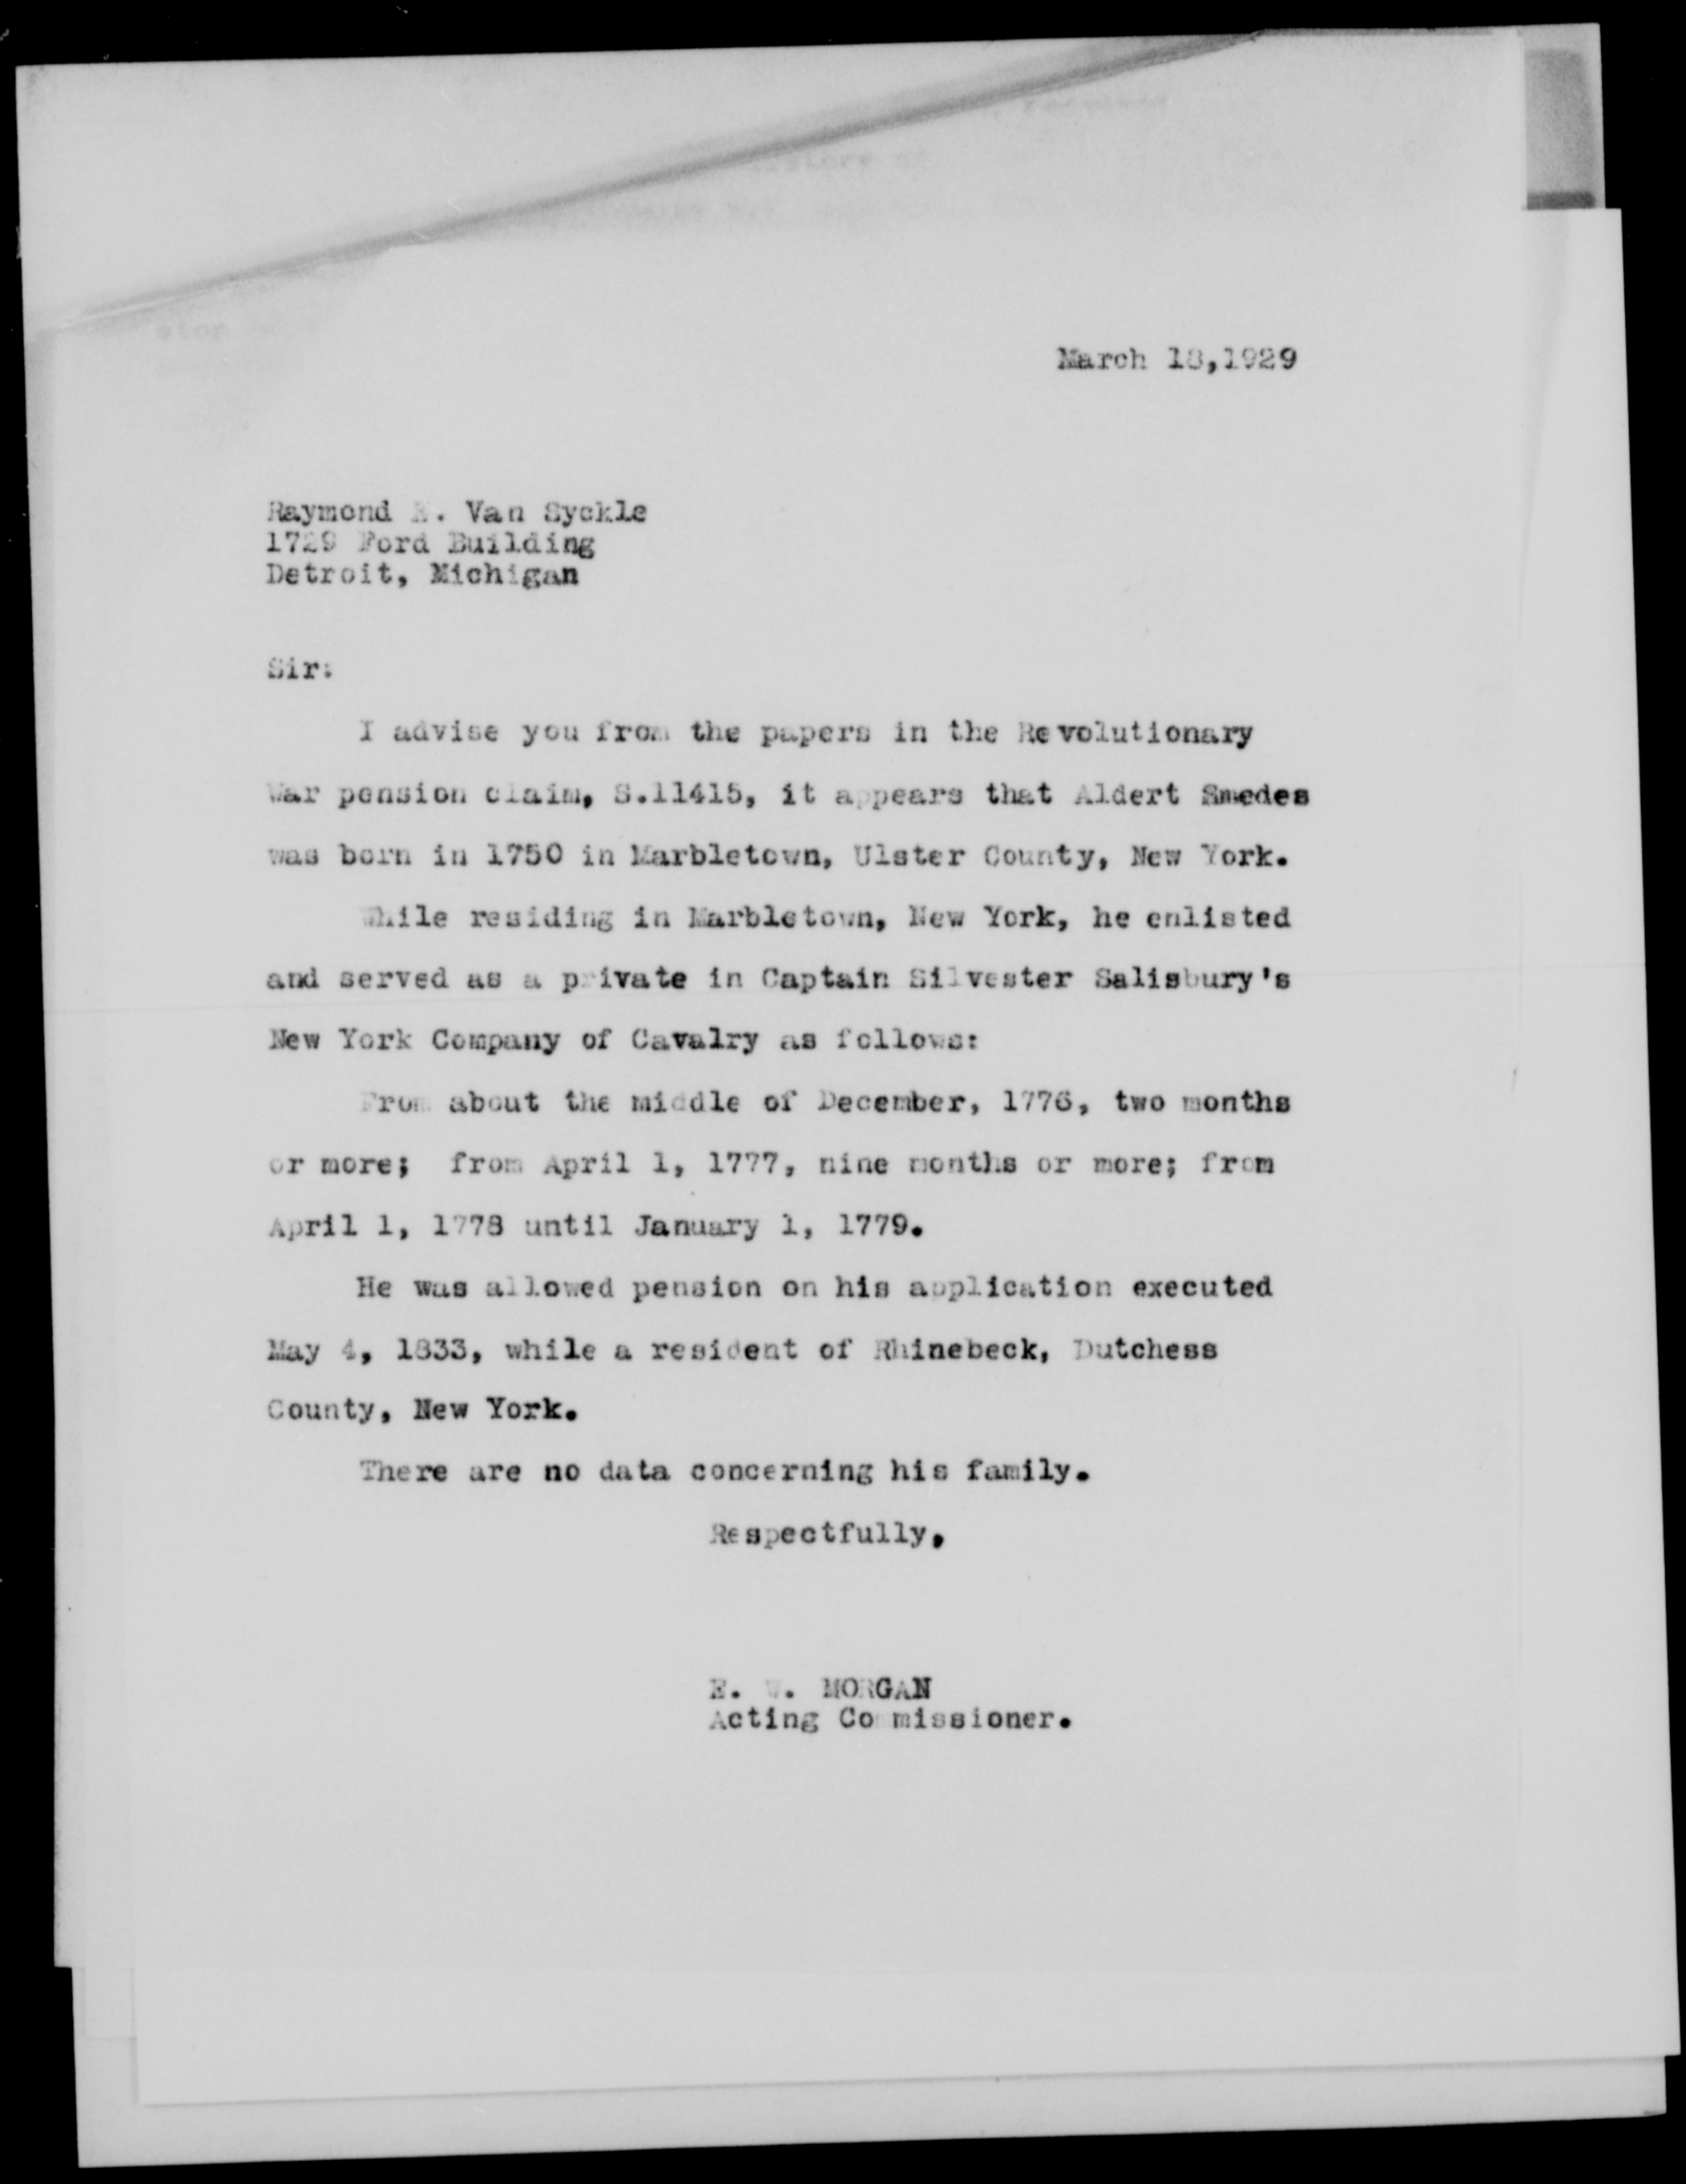March 13, 1929

Raymond E. Van Syckle
1729 Ford Building
Detroit, Michigan

Sir:
I advise you from the papers in the Revolutionary War pension claim, S.11415, it appears that Aldert Smedes was born in 1750 in Marbletown, Ulster County, New York.

While residing in Marbletown, New York, he enlisted and served as a private in Captain Silvester Salisbury's New York Company of Cavalry as follows:
From about the middle of December, 1776, two months or more; from April 1, 1777, nine months or more; from April 1, 1778 until January 1, 1779.

He was allowed pension on his application executed May 4, 1833, while a resident of Rhinebeck, Dutchess County, New York.

There are no data concerning his family.

Respectfully,
E. W. MORGAN
Acting Commissioner.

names: Raymond E Van Syckle; Aldert Smedes; E W Morgan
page: 16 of 29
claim: survivor's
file: S. 11415, for Aldert Smedes, New York